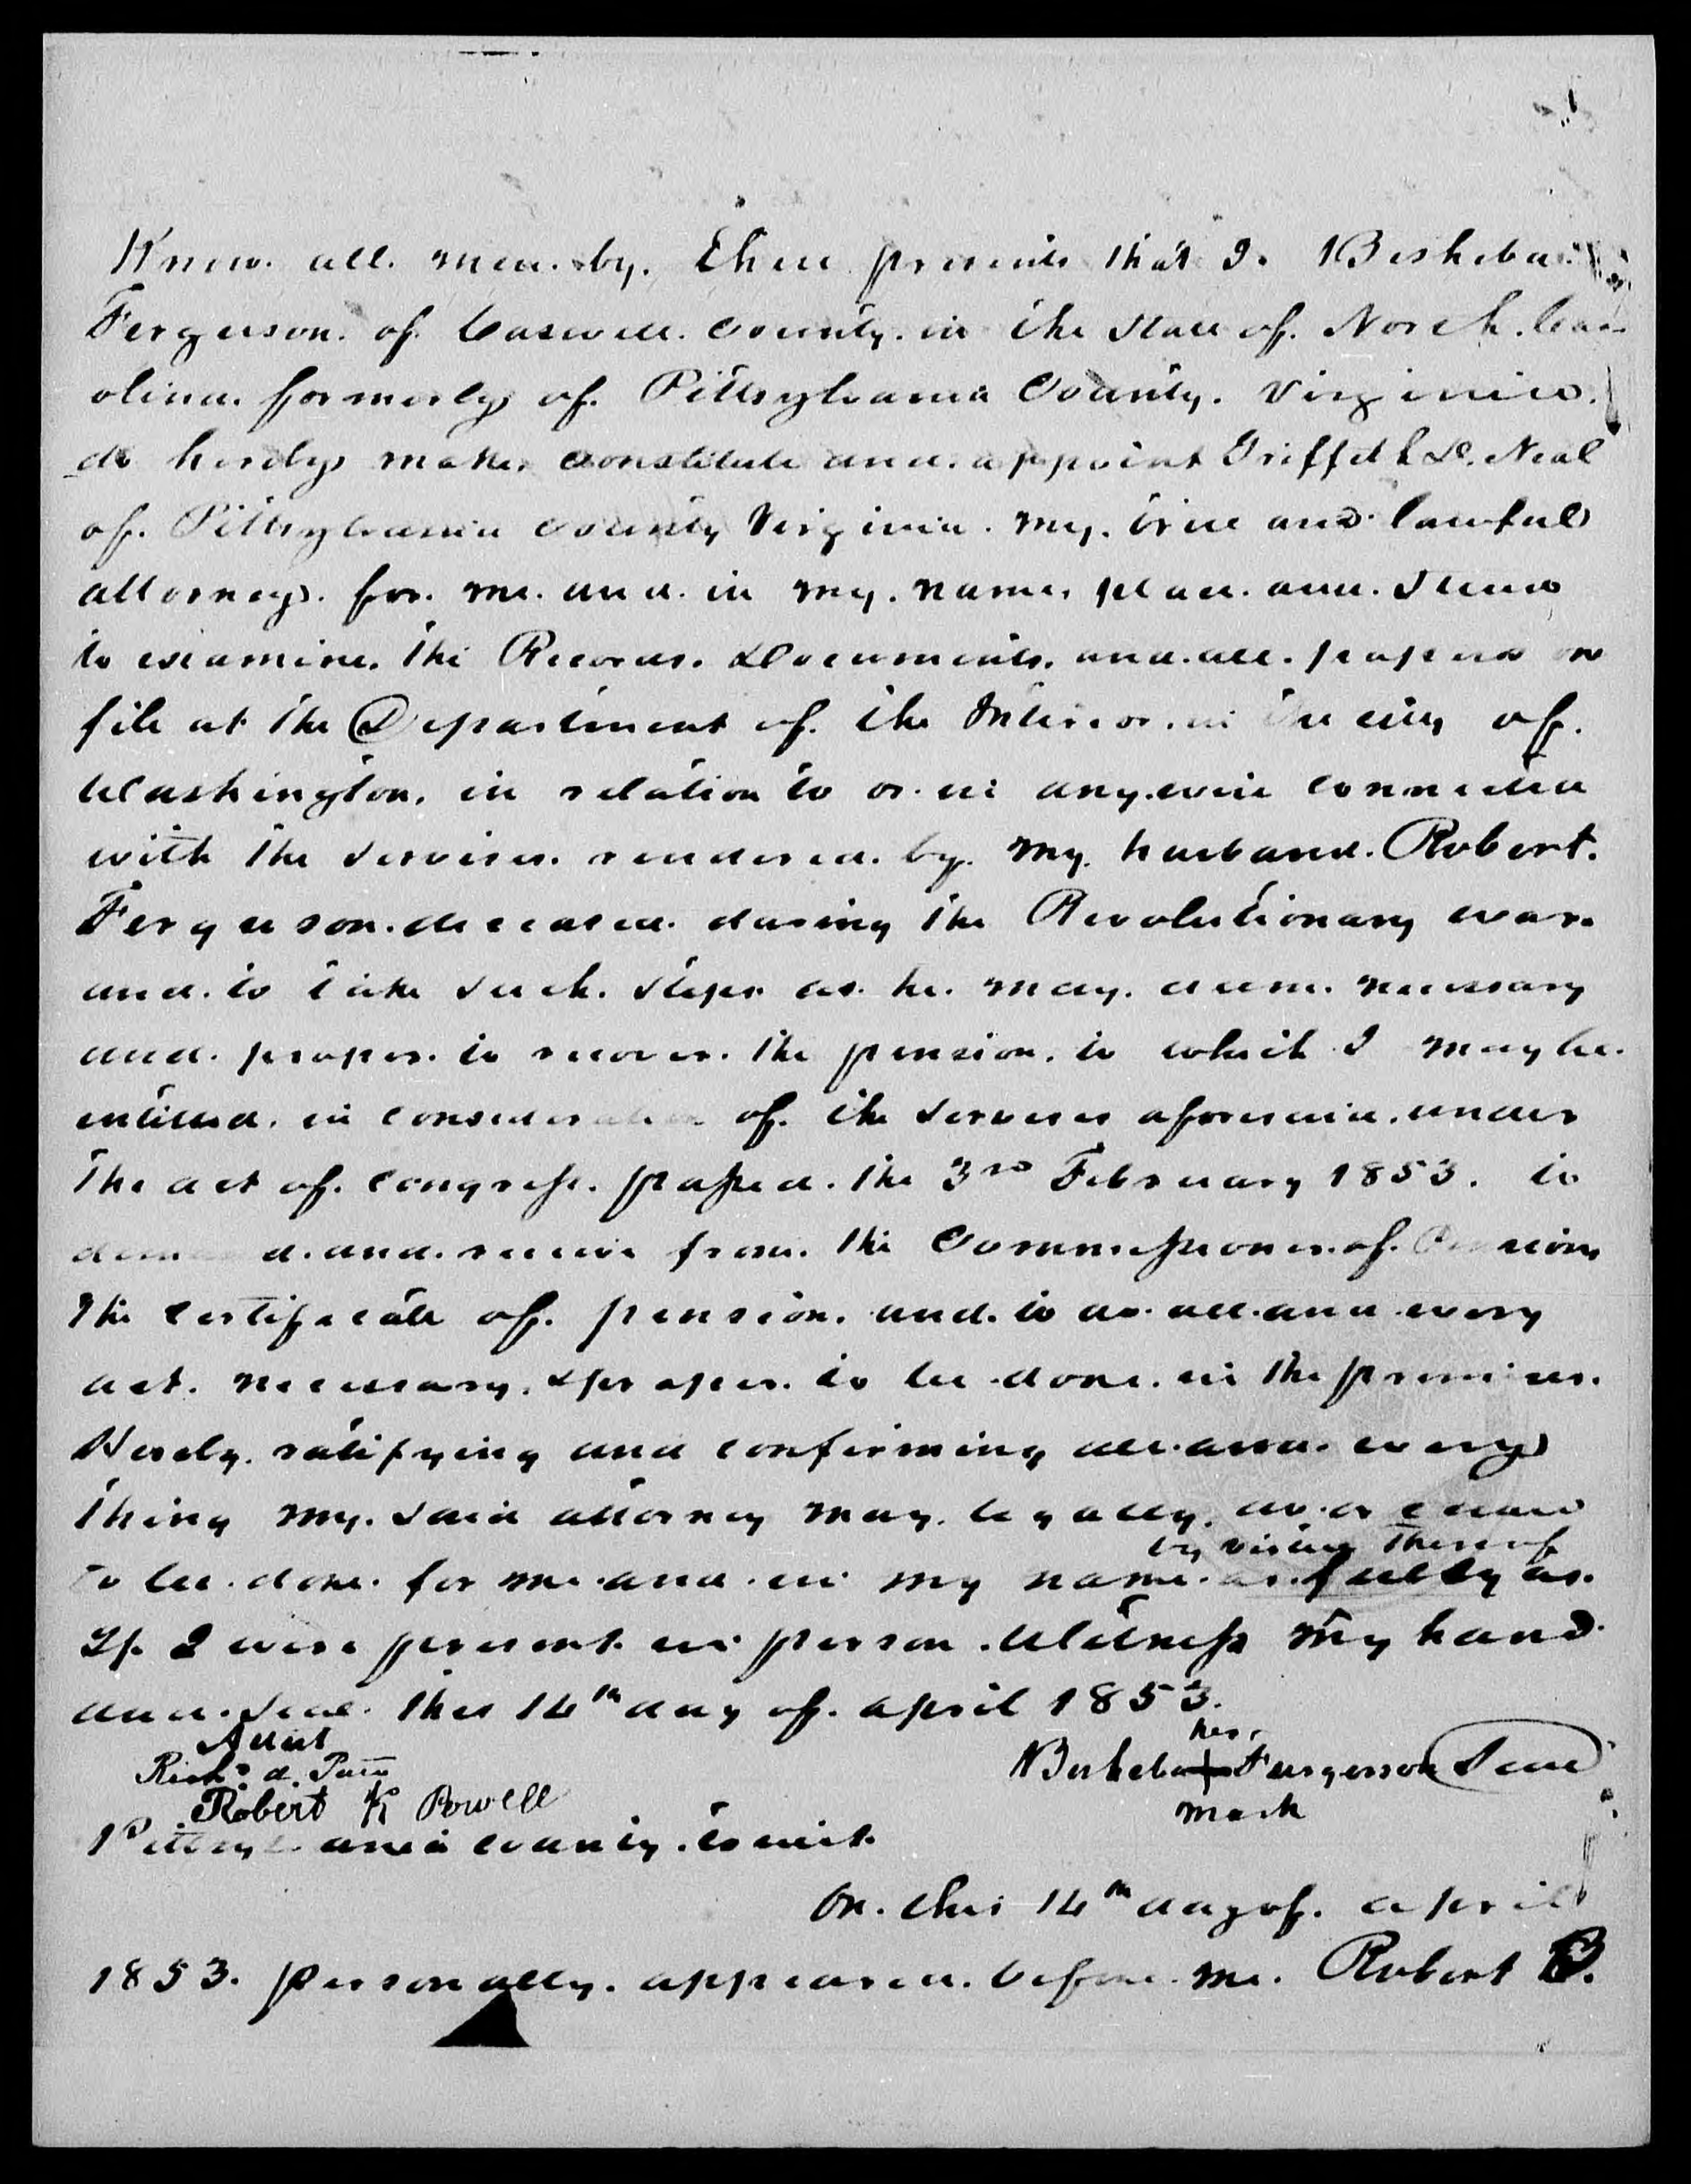Know all men by these presents that I,Besheba
Ferguson, of Caswell County in the State of North Carolina,
 formerly of Pittsylvania County, Virginia.
hereby make, constitute and appoint Griffith D. Neal
of Pittsylvania County Virginia my true and lawful
attorney for me and in my name, place, and [illegible]
to examine the Records Documents, and all papers on
file at the Department of the Interior in the city of
Washington, in relation to or in any wise connected
with the services rendered by my husband Robert
Ferguson, deceased, during the Revolutionary war
and to take such steps as he may deem necessary
and proper in regards the pension in which I may be
entitled, in consideration of the services aforesaid under the
act of Congress passed the 3rd February 1853 to
[illegible] and receive from the Commissioner of Pensions
the certificate of pension, and is as all and every
act necessary proper to be done in the premises
Hereby satisfying and confirming all cases  everything my said attorney may legally cover 
in rising there
to be done for me and in my name ^by voicing thereof as
If I were present in person witness my hand
and seal this 16th day of April 1853
Besheba ^[her mark] Ferguson [illegible]
[illegible]Robert  K. Powell

Pittsylvania county court
On this 14th day of April
1853 Personally appeared before Mr. Robert B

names: Robert K Powell, Besheba Ferguson, Robert Ferguson, Robert B, Griffith D Neal, Besheba Furgerson, Richd D Pair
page: 65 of 81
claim: widow's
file: W. 7262, Robert Ferguson, Va.